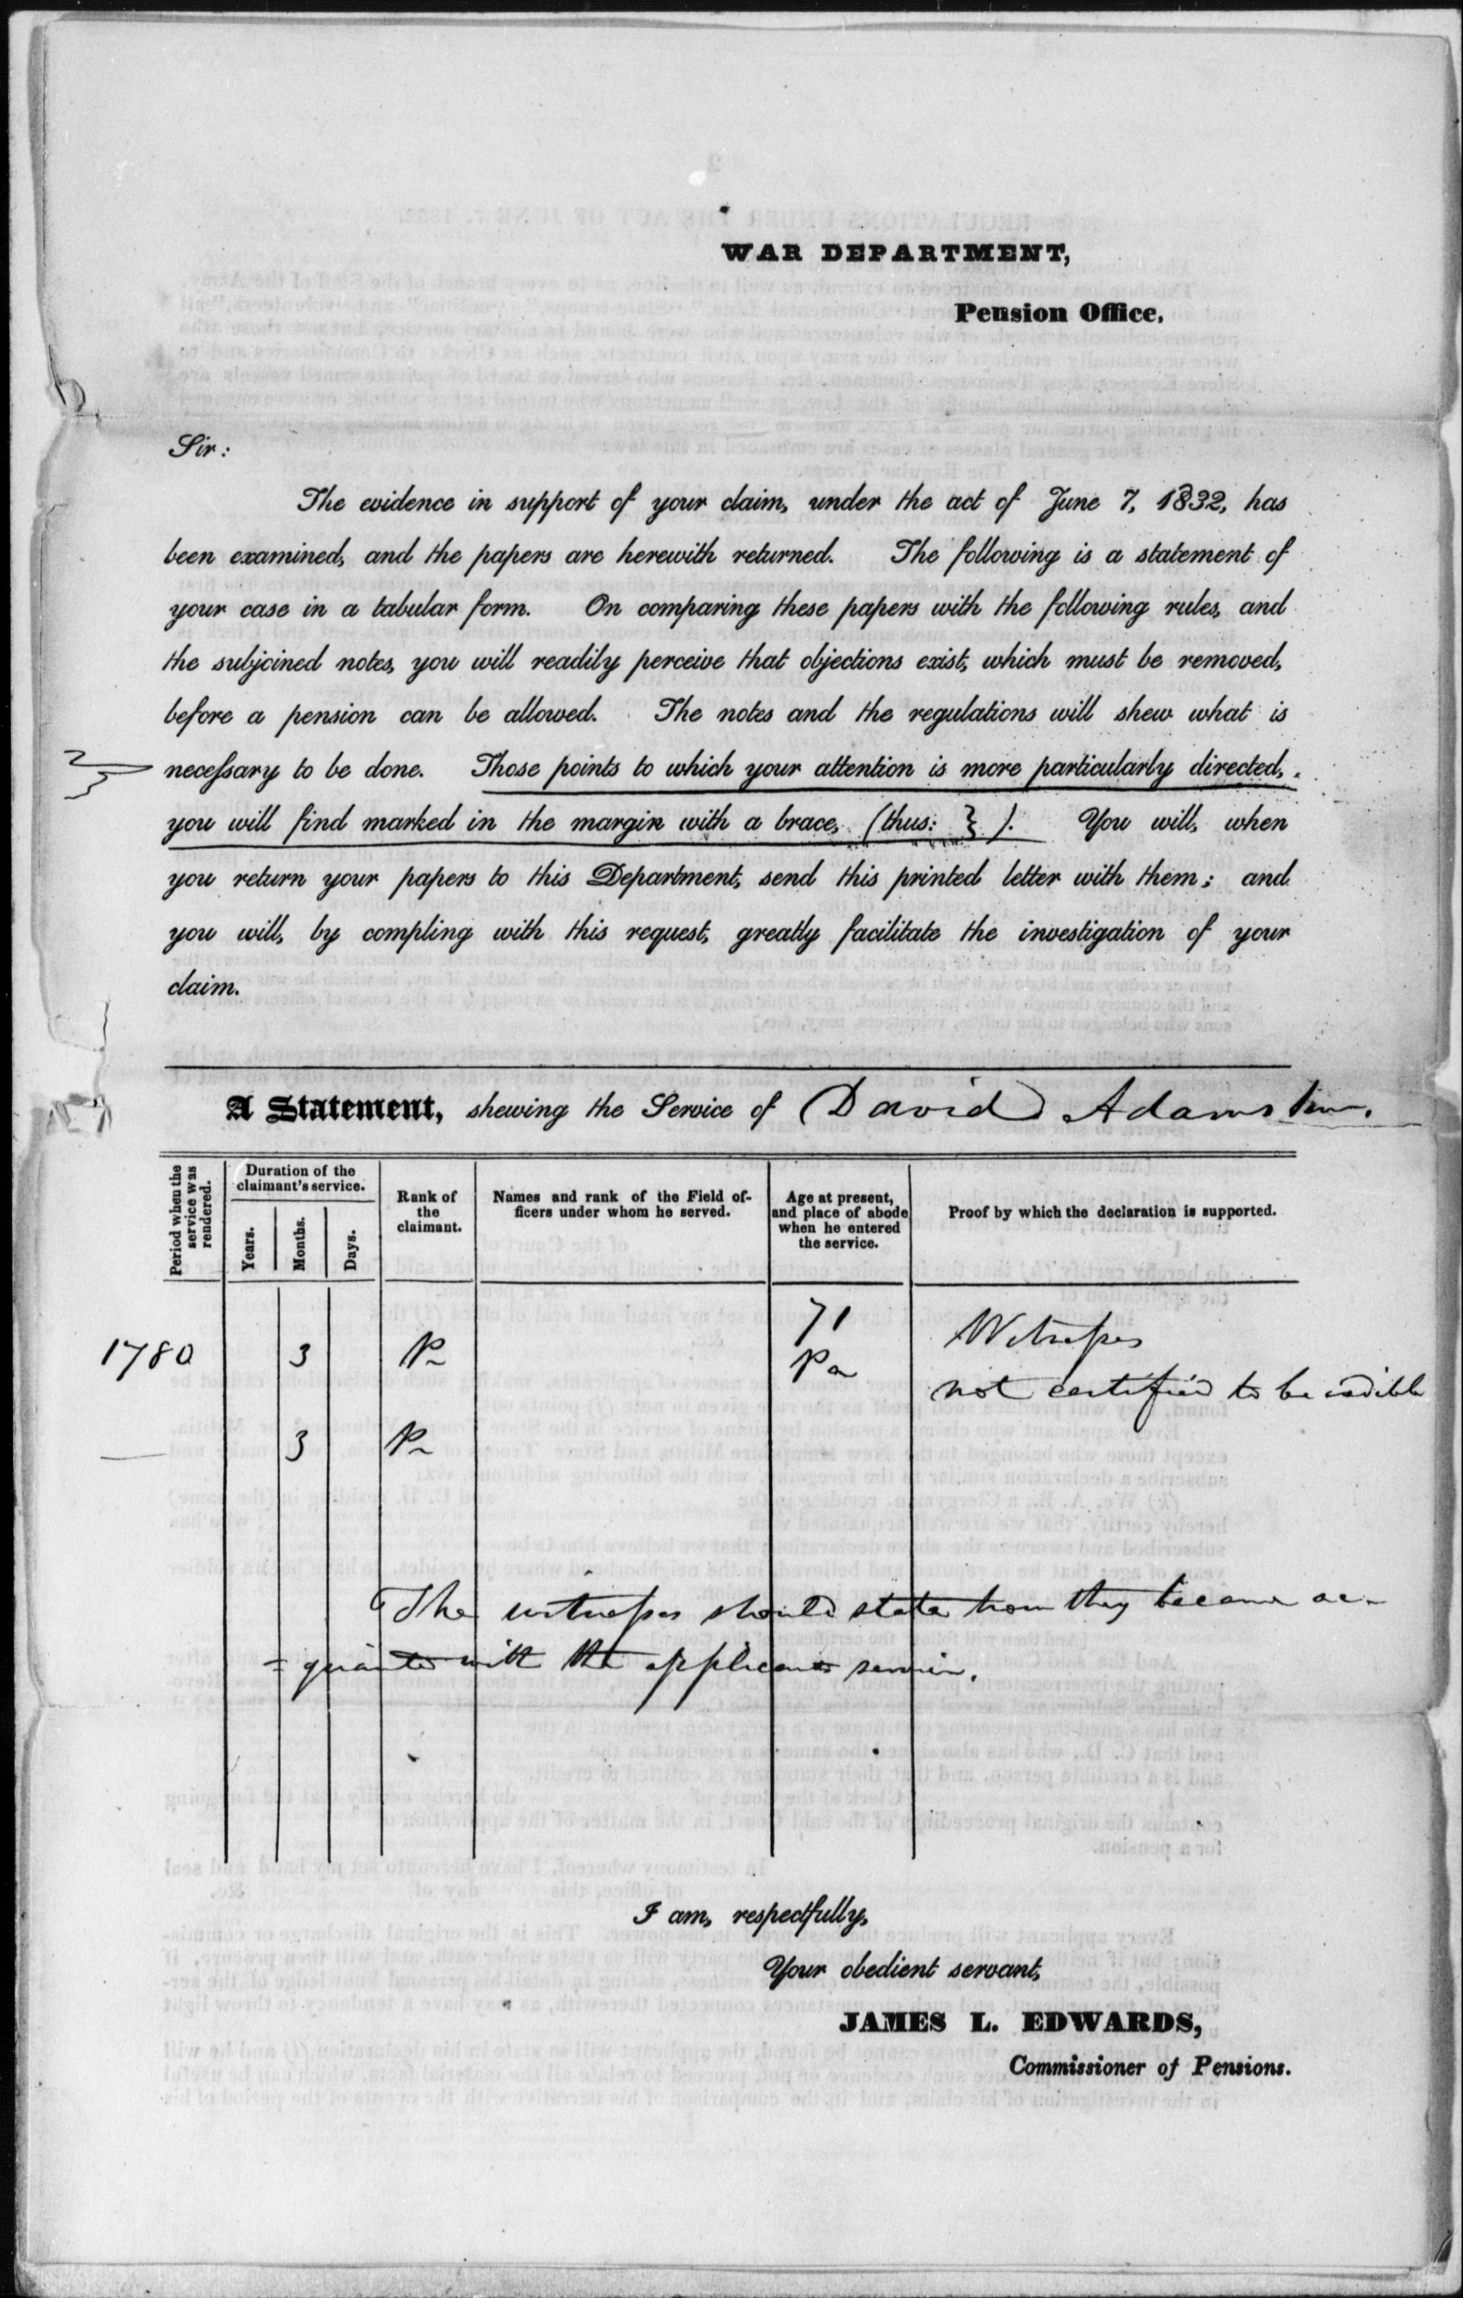[Printed]

WAR DEPARTMENT, Pension Office.

Sir:
The evidence in support of your claim, under the act of June 7, 1832, has been examined, and the papers are herewith returned. The following is a statement of your case in a tabular form. On comparing these papers with the following rules, and the subjoined notes, you will readily perceive that objections exist, which must be removed, before a pension can be allowed. The notes and the regulations will show what is necessary to be done. 

[Underlined] Those points to which your attention is more particularly directed,
you will find marked in the margin with a brace, (thus: }).

You will, when you return your papers to this Department, send this printed letter with them; and you will, by compling [sic] with this request, greatly facilitate the investigation of your claim.

A Statement, showing the Service of [Handwritten] David Adams Sr.

[Printed]
Period when the service was rendered.
[Handwritten]
1780

[Printed]
Duration of the claimant's service.  Years.  Months.  Days.
[Handwritten under Months]
3      
3

[Printed]
Rank of the claimant.
[Handwritten]
P       
P

[Printed]
Names and rank of the Field officers under whom he served.

[Printed]
Age at present, and place of abode when he entered the service.
[Handwritten]
71
Pa

[Printed] 
Proof by which the declaration is supported.
[Handwritten]
Witnesses not certified to be credible

The certifier should state how they became acquainted with the applicant's service. 

[Printed]
I am, respectfully,
Your obedient servant,
JAMES L. EDWARDS,
Commissioner of Pensions.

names: James L Edwards, David Adams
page: 8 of 13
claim: survivor's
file: S 30,815, David Adams, Penn.